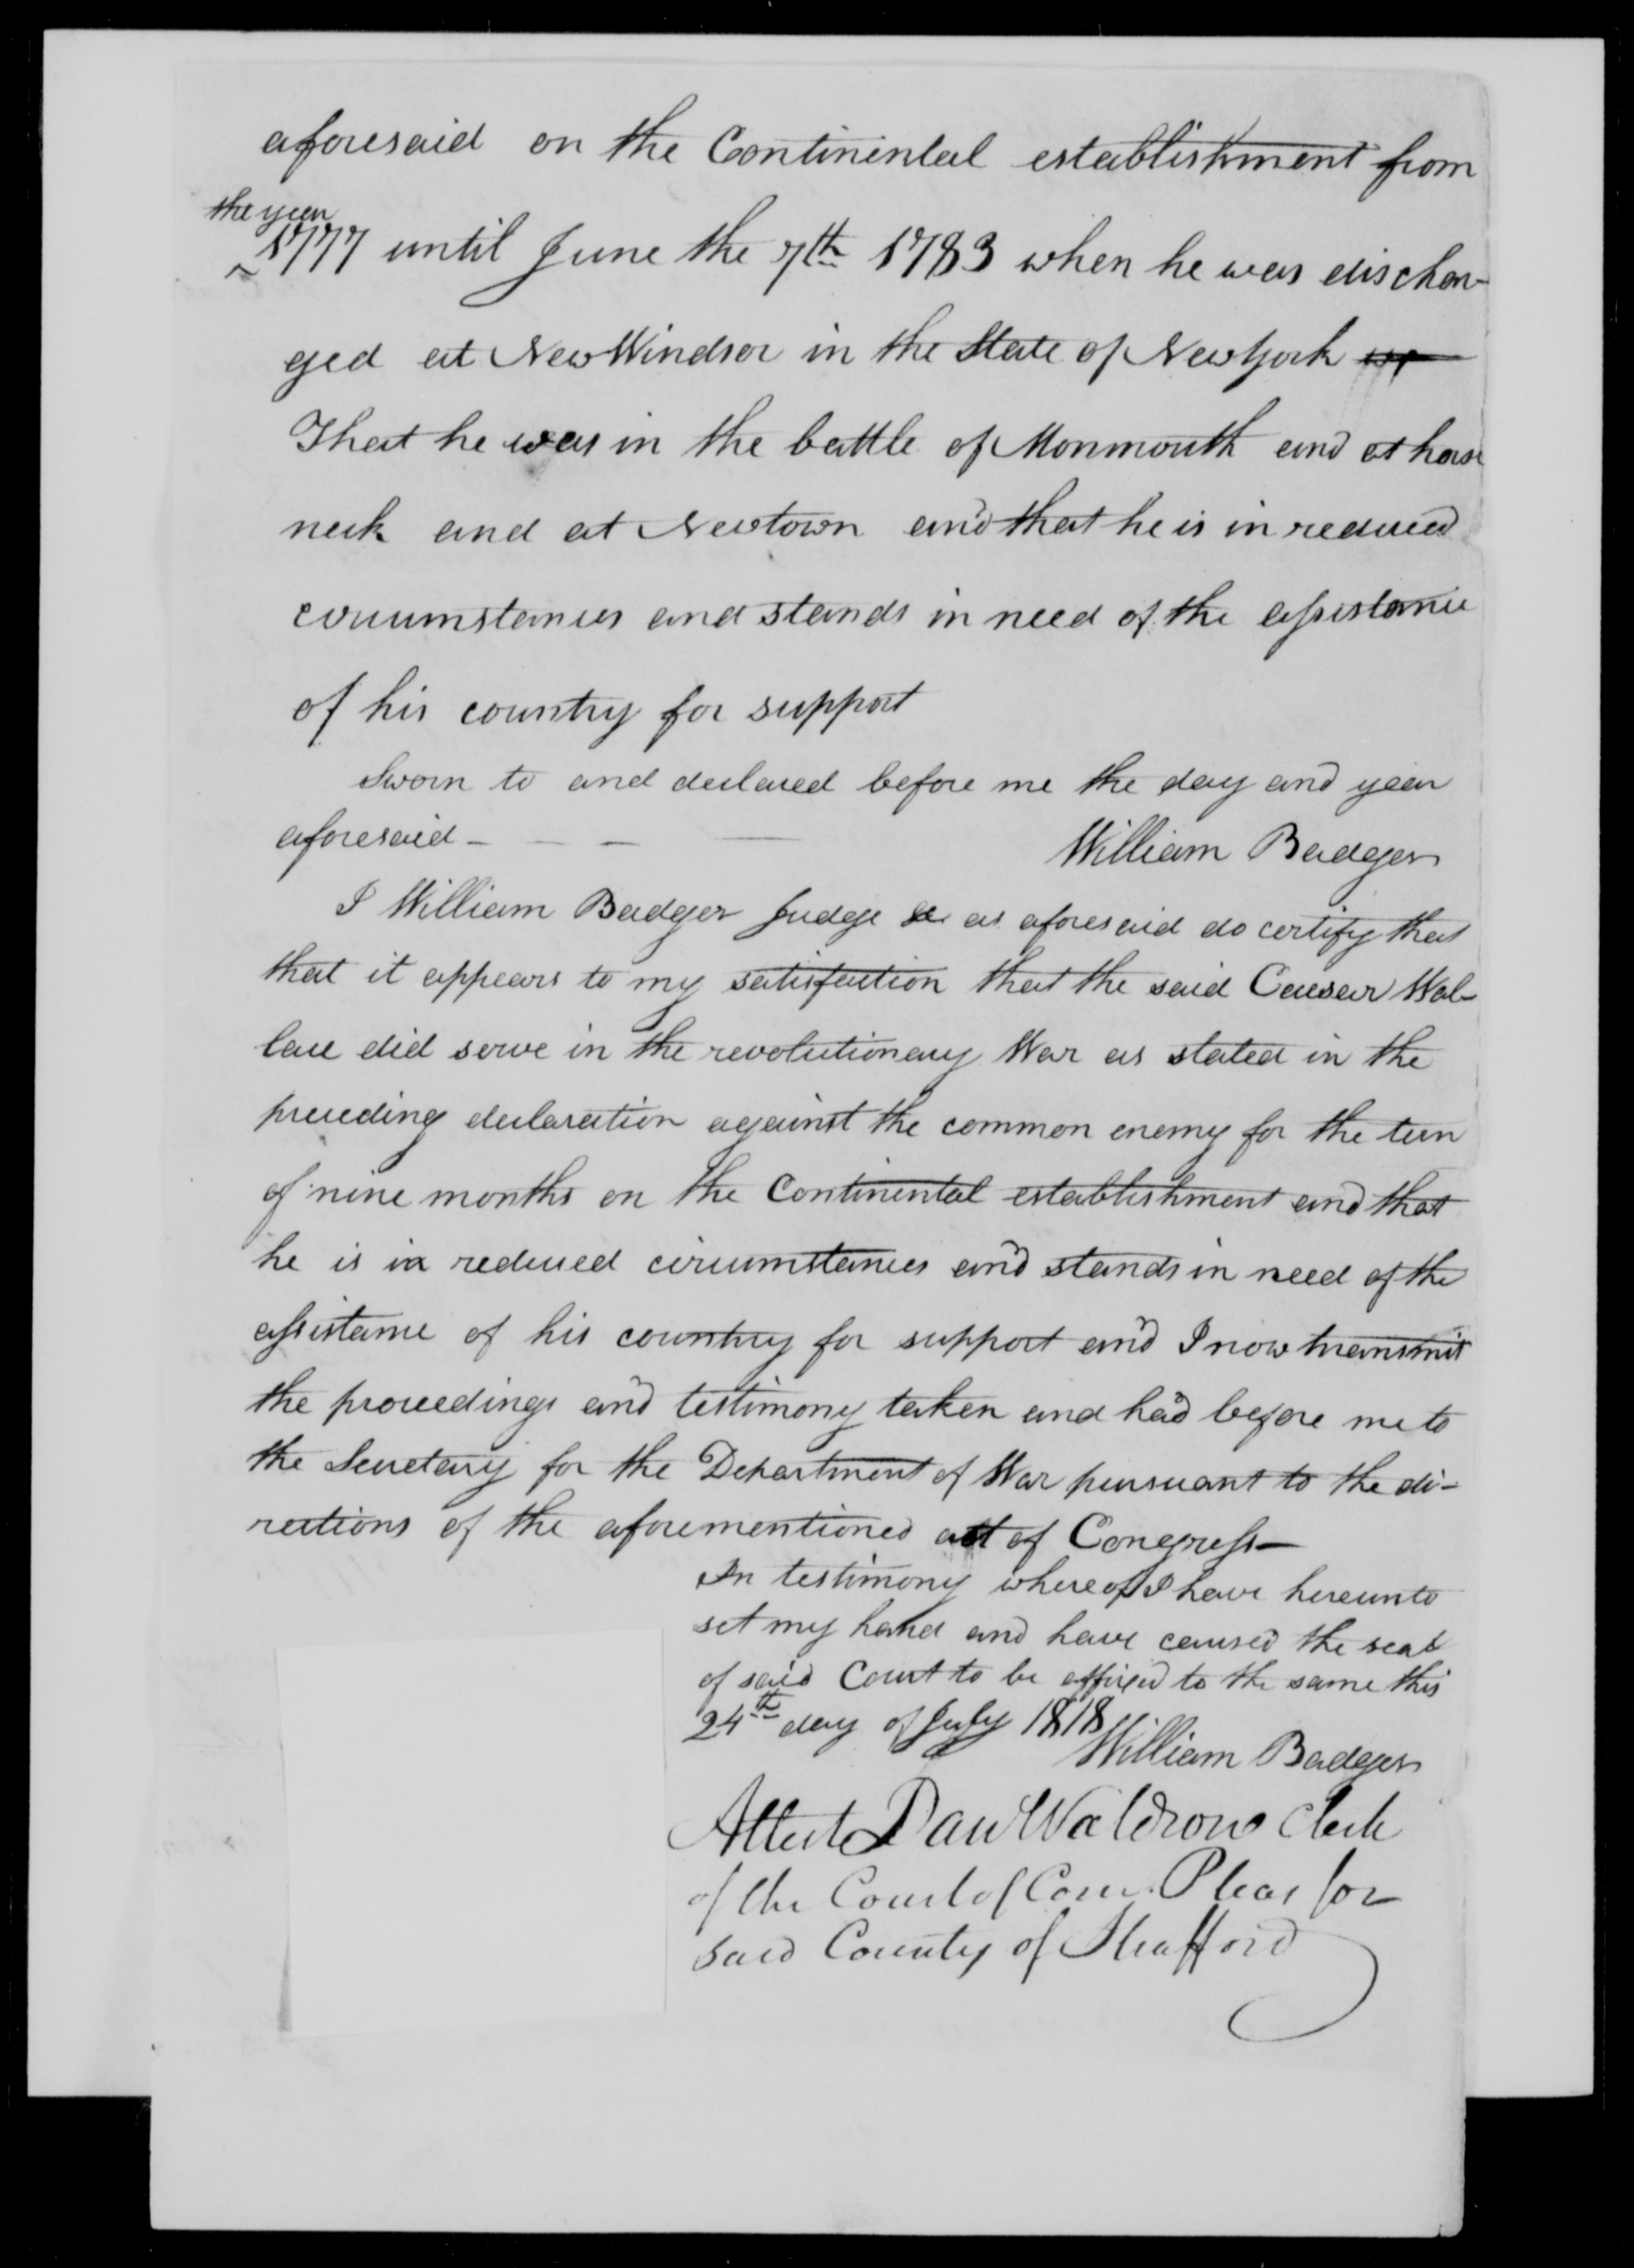aforesaid on the continental establishment from the year 1777 until June the 7th 1783 when he was discharged at New Windsor in the State of New York That he was in the battle of Monmouth and at horseneck and at Newtown and that he is in reduced circumstances and stands in need of the assistance of his country for support

Sworn to and declared before me the day and year aforesaid
William Badger

I William Badger Judge [illegible] as aforesaid do certify that that it appears to my satisfaction that the said Caesar Wallace did serve in the revolutionary War as stated in the preceding declaration against the common enemy for the term of nine months on the Continental establishment and that he is in reduced circumstances and stands in need of the assistance of his country for support and I now transmit the proceedings and testimony taken and had before me to the Secretary for the Department of War pursuant to the directions of the aforementioned act of Congress

In testimony whereof I have hereunto set my hand and have caused the seal of said court to be affixed to the same this 24th day of July 1818
William Badger

Attest Dan [Daniel] Waldrone Clerk of the Court of Com. [Common] Pleas for said County of Strafford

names: William Badger, Caesar Wallace, Danl Waldrow, William Badger, William Badger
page: 4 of 9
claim: survivor's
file: S. 43,250, Caesar Wallace, N.H.